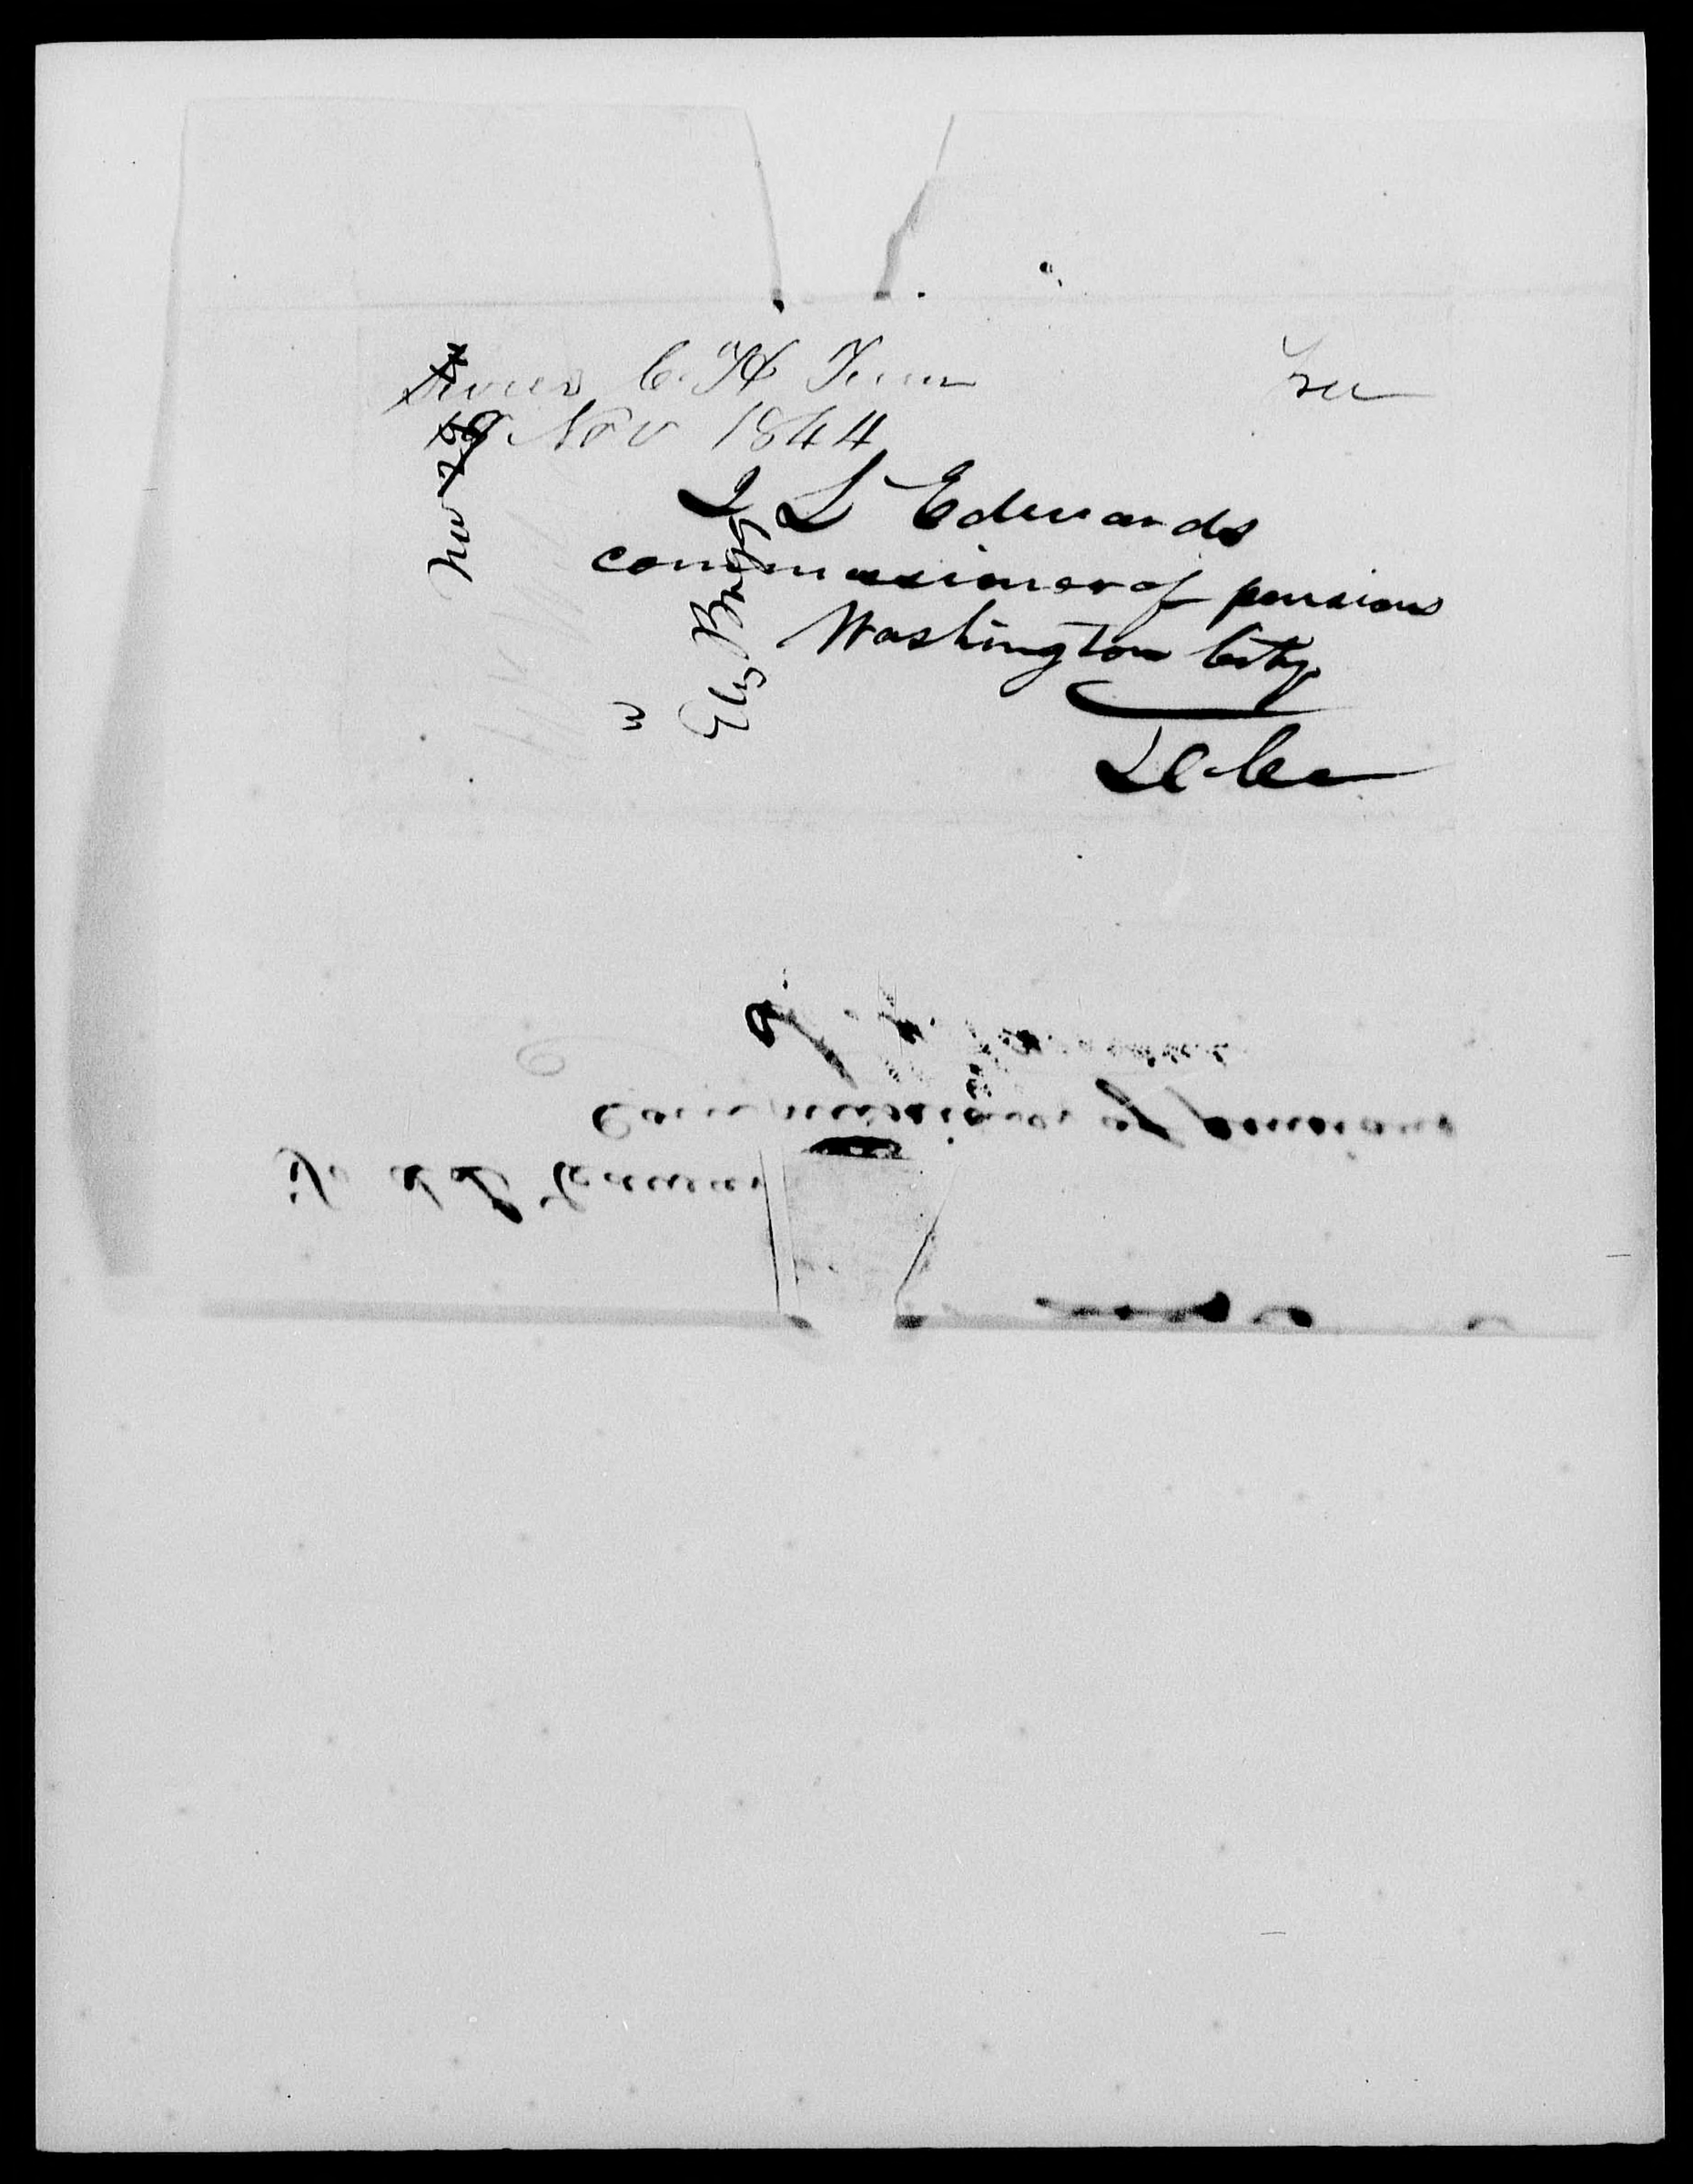[In light ink on the upper left side of the page] Sevier C.H [possibly meaning Court House] Term
Nov 1844

[Near the upper right hand portion of the page] free [probably meaning free postage]

[Written perpendicularly, on the left side, in darker ink, there appears what looks like:] Nvr 29

J L [or possibly I L or J S or I S] Edwards
Commissioner of pensions
Washington City, DC 

[On the left side of the page, there is what appears to be W. Wid in very faint light pencil.]

[In dark ink, there is "W" and possibly "Eliz Brigg" or "Eliz Bugg" written perpendicularly.] 

[On the bottom of the page, there's what appears to be dark ink transfers of words, written backwards, possibly reflecting words written on the other side of the document, where ink has come through the paper.]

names: C H, J L Edwards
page: 26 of 50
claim: widow's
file: W. 898, William Bugg, N.C.